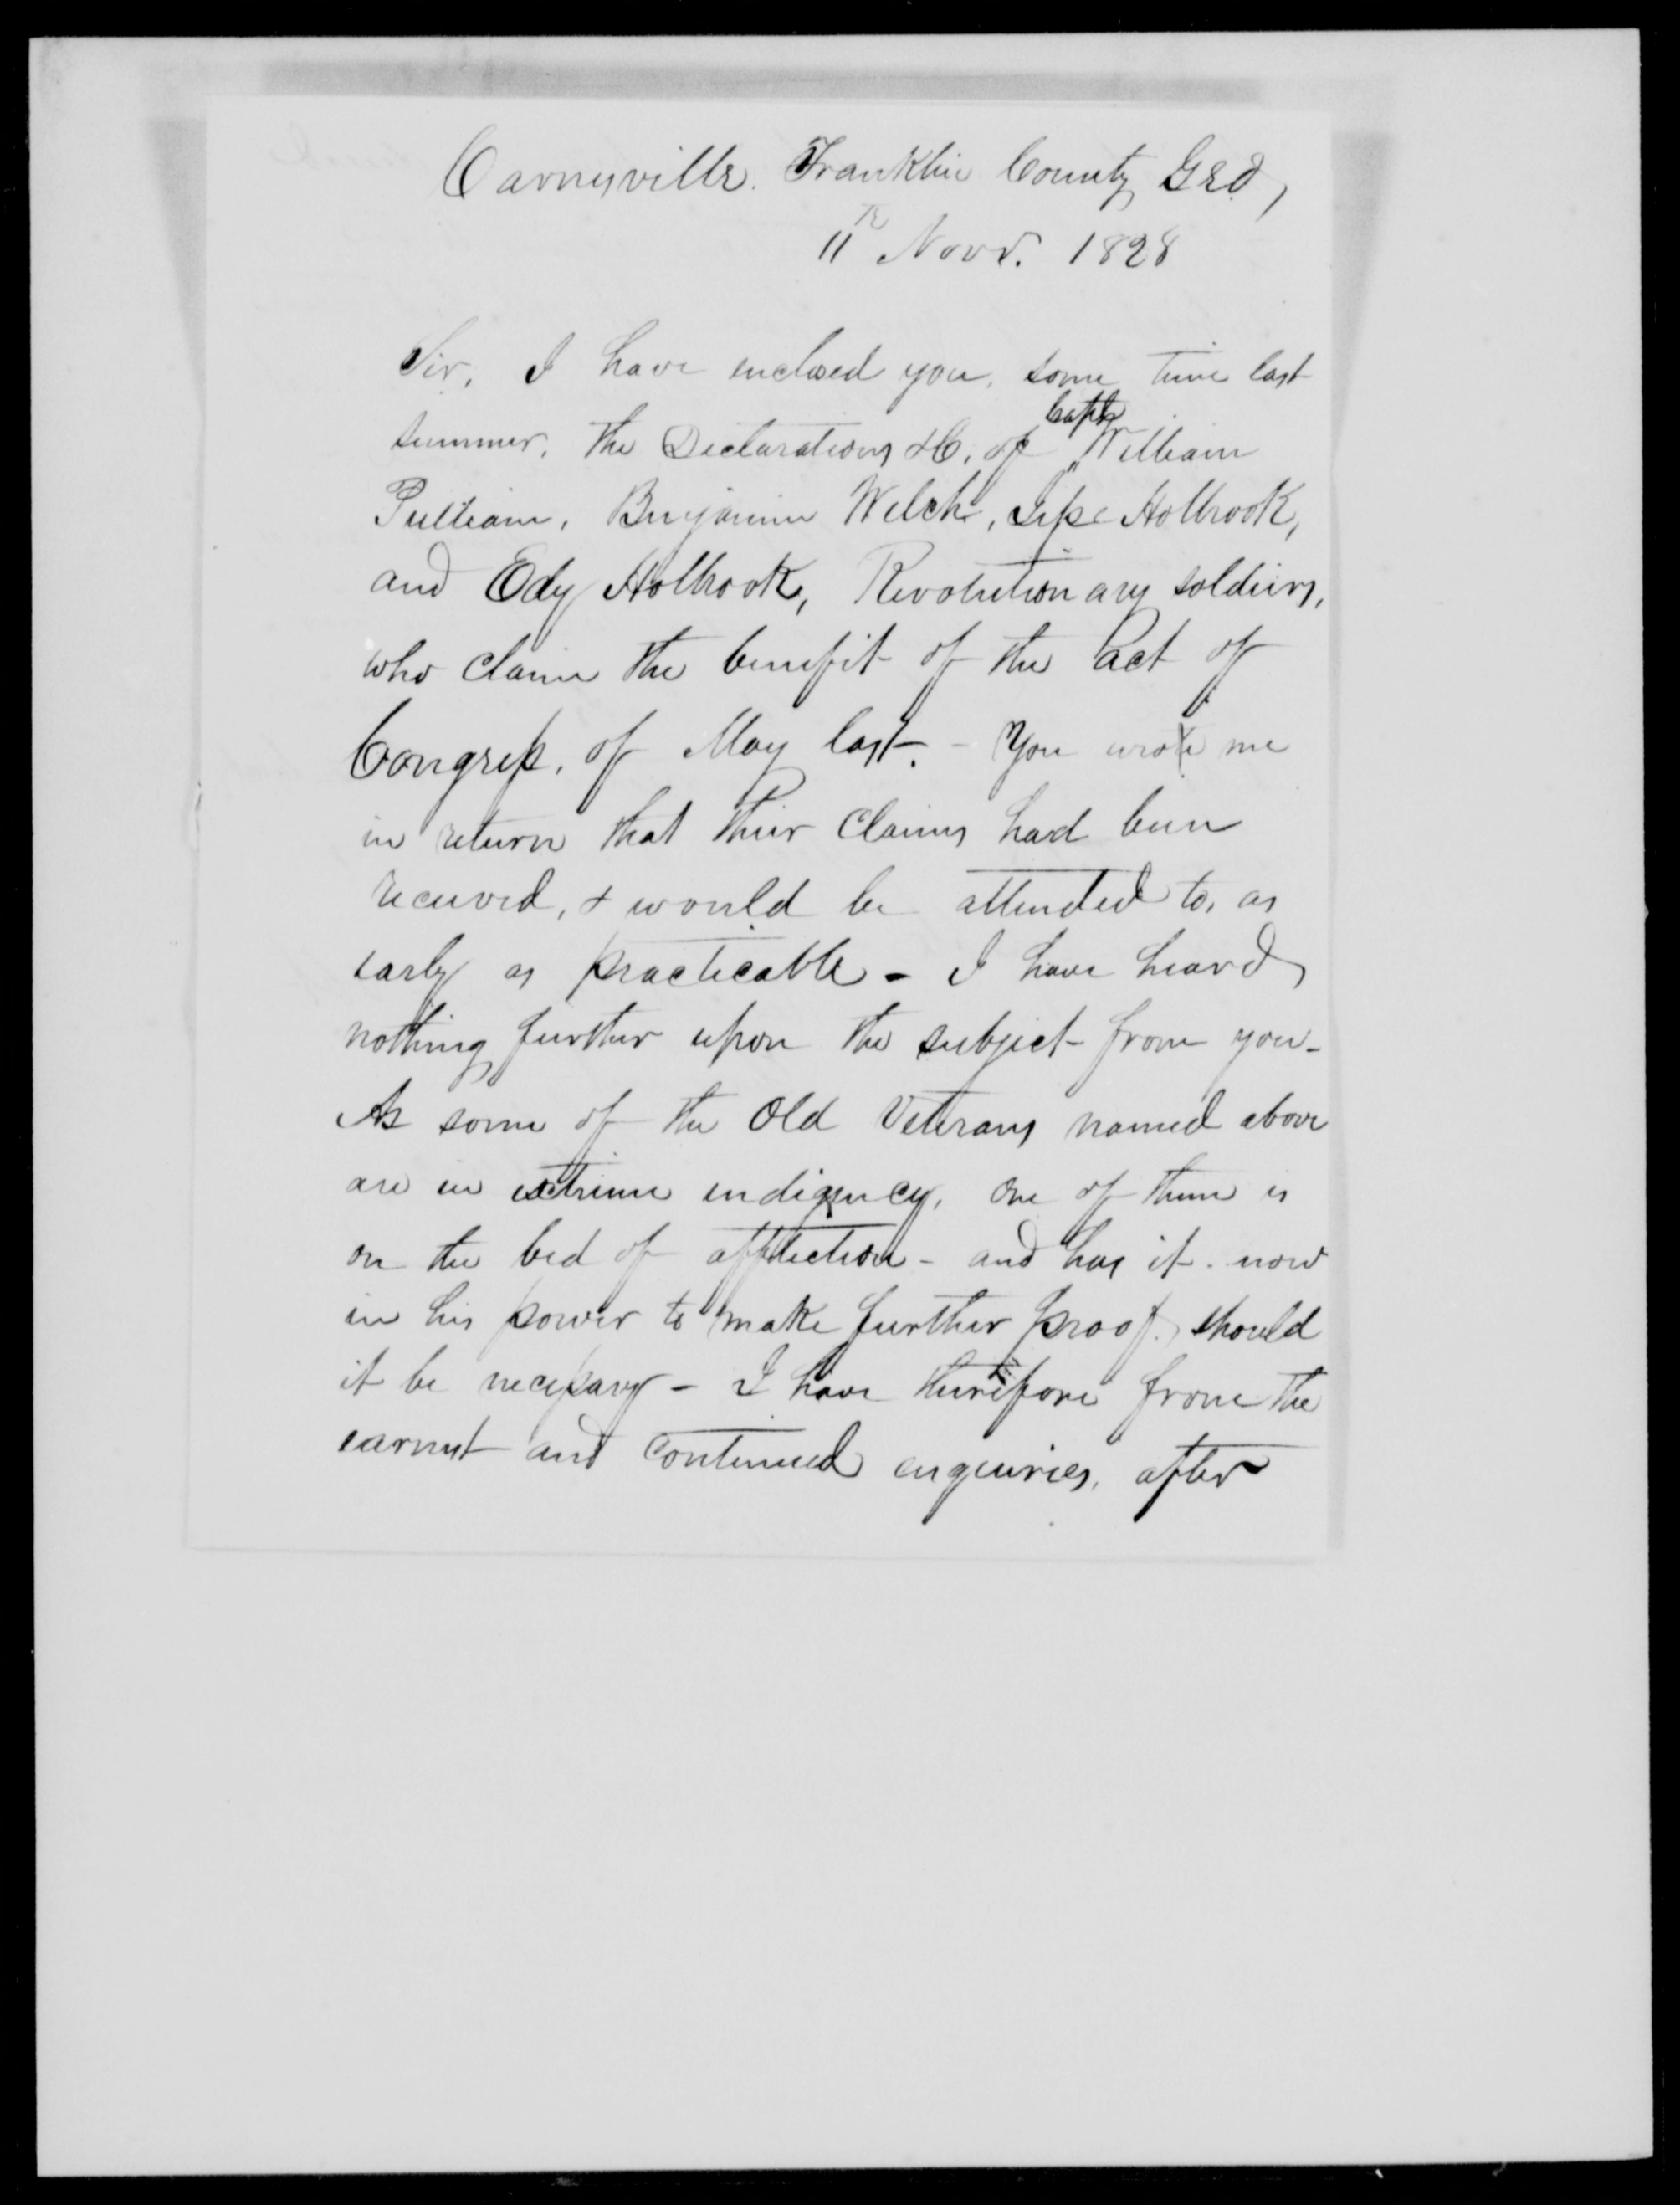Carnesville Franklin County Geo,
11th Novr. 1828
Sir, I have enclosed you, some time last summer, the Declarations &c. of Capts William Pulliam, Benjamin Welch, Jesse Holbrook, and Edy Holbrook, Revolutionary soldiers, who claim the benefit of the act of Congress of May last.-- You wrote me in return that their claims had been
received, & would be attended to, as early as practicable. I have heard nothing further upon the subject from you. As some of the Old Veterans named above are in extreme indigency, one of them is on the bed of affliction, and has it now in his power to make further proof should
it be necessary. I have therefore from the earnest and continued inquiries after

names: Benjamin Welch, William Pulliam, Edy Holbrook, Jesse Holbrook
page: 7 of 23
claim: rejected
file: R. 20,446, Benjamin Welch, Ga.